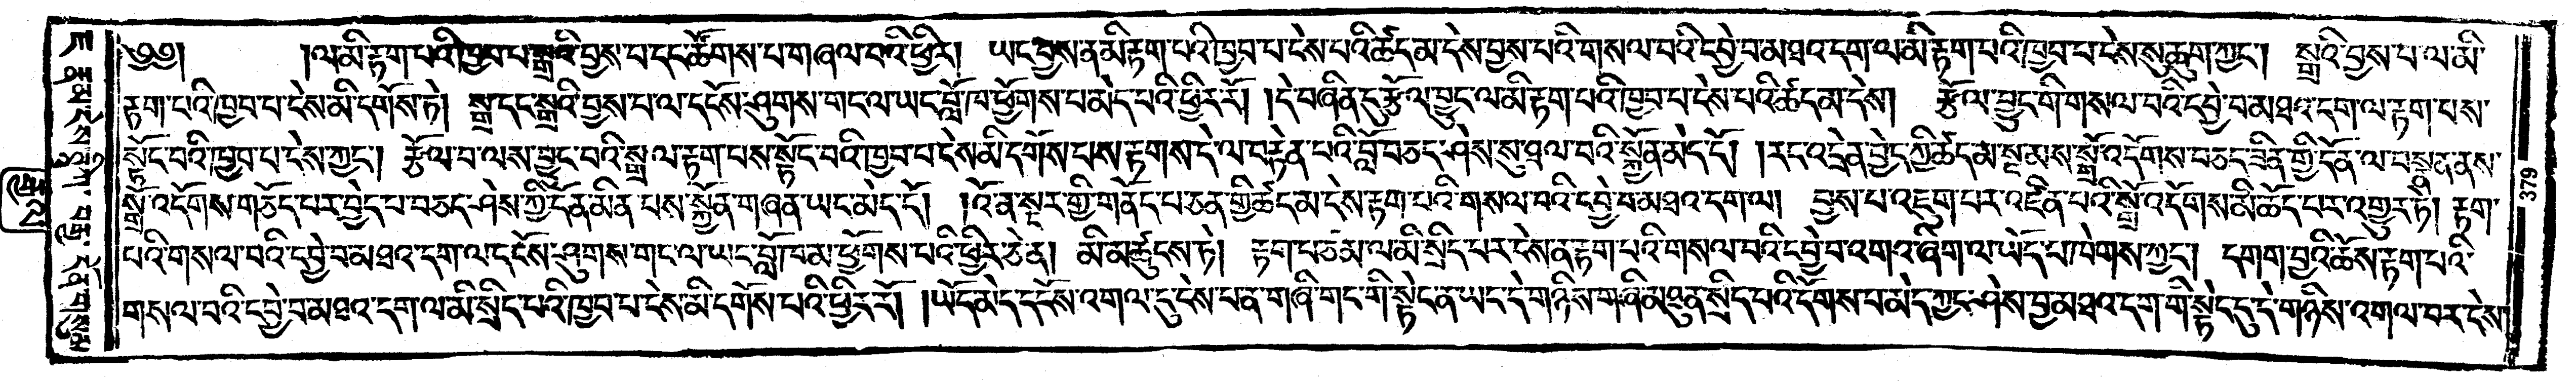༄༅། །ལ་མི་རྟག་པའི་ཁྱབ་པ་སྒྲའི་བྱས་པ་དང་ཚོགས་པ་གཞལ་བའི་ཕྱིར། ཡང་བྱས་ན་མི་རྟག་པའི་ཁྱབ་པ་ངེས་པའི་ཚད་མ་དེས་བྱས་པའི་གསལ་བའི་དབྱེ་བ་མཐའ་དག་ལ་མི་རྟག་པའི་ཁྱབ་པ་ངེས་སུ་ཆུག་ཀྱང་། སྒྲའི་བྱས་པ་ལ་མི་
རྟག་པའི་ཁྱབ་པ་ངེས་མི་དགོས་ཏེ། སྒྲ་དང་སྒྲའི་བྱས་པ་ལ་དངོས་ཤུགས་གང་ལ་ཡང་བློ་ཁ་ཕྱོགས་པ་མེད་པའི་ཕྱིར་རོ། །དེ་བཞིན་དུ་རྩོལ་བྱུང་ལ་མི་རྟག་པའི་ཁྱབ་པ་ངེས་པའི་ཚད་མ་དེས། རྩོལ་བྱུང་གི་གསལ་བའི་དབྱེ་བ་མཐའ་དག་ལ་རྟག་པས་
སྟོང་པའི་ཁྱབ་པ་ངེས་ཀྱང་། རྩོལ་བ་ལས་བྱུང་བའི་སྒྲ་ལ་རྟག་པས་སྟོང་བའི་ཁྱབ་པ་དེས་མི་དགོས་པས་རྟགས་དེ་ལ་བརྟེན་པའི་བློ་བཅད་ཤེས་སུ་ཐལ་བའི་སྐྱོན་མེད་དོ། །རང་འདྲེན་བྱེད་ཀྱི་ཚད་མ་སྔ་མས་སྒྲོ་འདོགས་བཅད་ཟིན་གྱི་དོན་ལ་བསྣན་ནས་
སྒྲོ་འདོགས་གཅོད་པར་བྱེད་པ་བཅད་ཤེས་ཀྱི་དོན་མིན་པས་སྐྱོན་གཞན་ཡང་མེད་དོ། །འོ་ན་སྔར་གྱི་གནོད་པ་ཅན་གྱི་ཚད་མ་ངེས་རྟག་པའི་གསལ་བའི་དབྱེ་བ་མཐའ་དག་ལ། བྱས་པ་འཇུག་པར་འཛིན་པའི་སྒྲོ་འདོགས་མི་ཆོད་པར་འགྱུར་ཏེ། རྟག་
པའི་གསལ་བའི་དབྱེ་བ་མཐའ་དག་ལ་དངོས་ཤུགས་གང་ལ་ཡང་བློ་ཁ་མ་ཕྱོགས་པའི་ཕྱིར་ཅེ་ན། མི་མཚུངས་ཏེ། རྟག་པ་ཙམ་ལ་མི་སྲིད་པར་ངེས་ན་རྟག་པའི་གསལ་བའི་དབྱེ་བ་འགའ་ཞིག་ལ་ཡོད་པ་ཁེགས་ཀྱང་། དགག་བྱའི་ཆོས་རྟག་པའི་
གསལ་བའི་དབྱེ་བ་མཐའ་དག་ལ་མི་སྲིད་པའི་ཁྱབ་པ་ངེས་མི་དགོས་པའི་ཕྱིར་རོ། །ཡོད་མེད་དངོས་འགལ་དུ་ངེས་པ་ན་གཞི་གང་གི་སྟེང་ན་ཡང་དེ་གཉིས་གཞི་མཐུན་སྲིད་པའི་དོགས་པ་མེད་ཀྱང་ཤེས་བྱ་མཐའ་དག་གི་སྟེང་དུ་དེ་གཉིས་འགལ་བར་ངེས་